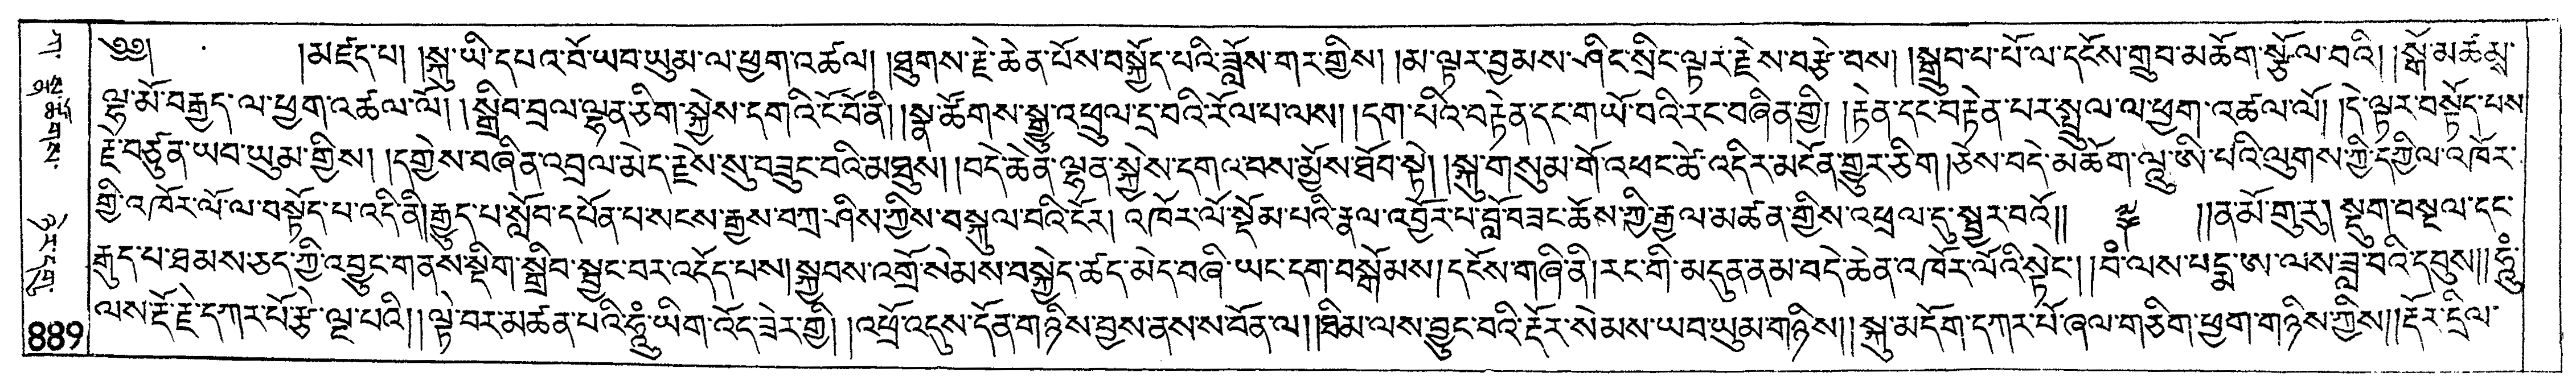༄༅། །མཛད་པ། །སྐུ་ཡི་དཔའ་བོ་ཡབ་ཡུམ་ལ་ཕྱག་འཚལ། །ཐུགས་རྗེ་ཆེན་པོས་བསྐྱོད་པའི་ཟློས་གར་གྱིས། །མ་ལྟར་བྱམས་ཤིང་སྲིང་ལྟར་རྗེས་བརྩེ་བས། །སྒྲུབ་པ་པོ་ལ་དངོས་གྲུབ་མཆོག་སྩོལ་བའི། །སྒོ་མཚམས་
ལྷ་མོ་བརྒྱད་ལ་ཕྱག་འཚལ་ལོ། །སྒྲིབ་བྲལ་ལྷན་ཅིག་སྐྱེས་དགའི་ངོ་བོ་ནི། །སྣ་ཚོགས་སྒྱུ་འཕྲུལ་དྲ་བའི་རོལ་པ་ལས། །དག་པའི་བརྟེན་དང་གཡོ་བའི་རང་བཞིན་གྱི། །རྟེན་དང་བརྟེན་པར་སྤྲུལ་ལ་ཕྱག་འཚལ་ལོ། །དེ་ལྟར་བསྟོད་པས་
རྗེ་བཙུན་ཡབ་ཡུམ་གྱིས། །དགྱེས་བཞིན་འབྲལ་མེད་རྗེས་སུ་བཟུང་བའི་མཐུས། །བདེ་ཆེན་ལྷན་སྐྱེས་དགའ་བས་མྱོས་ཐོབ་སྟེ། །སྐུ་གསུམ་གོ་འཕང་ཚེ་འདིར་མངོན་གྱུར་ཅིག །ཅེས་བདེ་མཆོག་ལཱུ་ཨི་པའི་ལུགས་ཀྱི་དཀྱིལ་འཁོར་
གྱི་འཁོར་ལོ་ལ་བསྟོད་པ་འདི་ནི། རྒྱུད་པ་སློབ་དཔོན་པ་སངས་རྒྱས་བཀྲ་ཤིས་ཀྱིས་བསྐུལ་བའི་ངོར། འཁོར་ལོ་སྡོམ་པའི་རྣལ་འབྱོར་པ་བློ་བཟང་ཆོས་ཀྱི་རྒྱལ་མཚན་གྱིས་འཕྲལ་དུ་སྦྱར་བའོ།། ༈ །།ན་མོ་གུ་རུ། སྡུག་བསྔལ་དང་
རྒུད་པ་ཐམས་ཅད་ཀྱི་འབྱུང་གནས་སྡིག་སྒྲིབ་སྦྱང་བར་འདོད་པས། སྐྱབས་འགྲོ་སེམས་བསྐྱེད་ཚད་མེད་བཞི་ཡང་དག་བསྒོམས། དངོས་གཞི་ནི། རང་གི་མདུན་ནམ་བདེ་ཆེན་འཁོར་ལོའི་སྟེང་། །བཾ་ལས་པདམ་ཨ་ལས་ཟླ་བའི་དབུས། །ཧཱུཾ་
ལས་རྡོ་རྗེ་དཀར་པོ་རྩེ་ལྔ་པའི། །ལྟེ་བར་མཚན་པའི་ཧཱུཾ་ཡིག་འོད་ཟེར་གྱི། །འཕྲོ་འདུས་དོན་གཉིས་བྱས་ནས་ས་བོན་ལ། །ཐིམ་ལས་བྱུང་བའི་རྡོར་སེམས་ཡབ་ཡུམ་གཉིས། །སྐུ་མདོག་དཀར་པོ་ཞལ་གཅིག་ཕྱག་གཉིས་ཀྱིས། །རྡོར་དྲིལ་